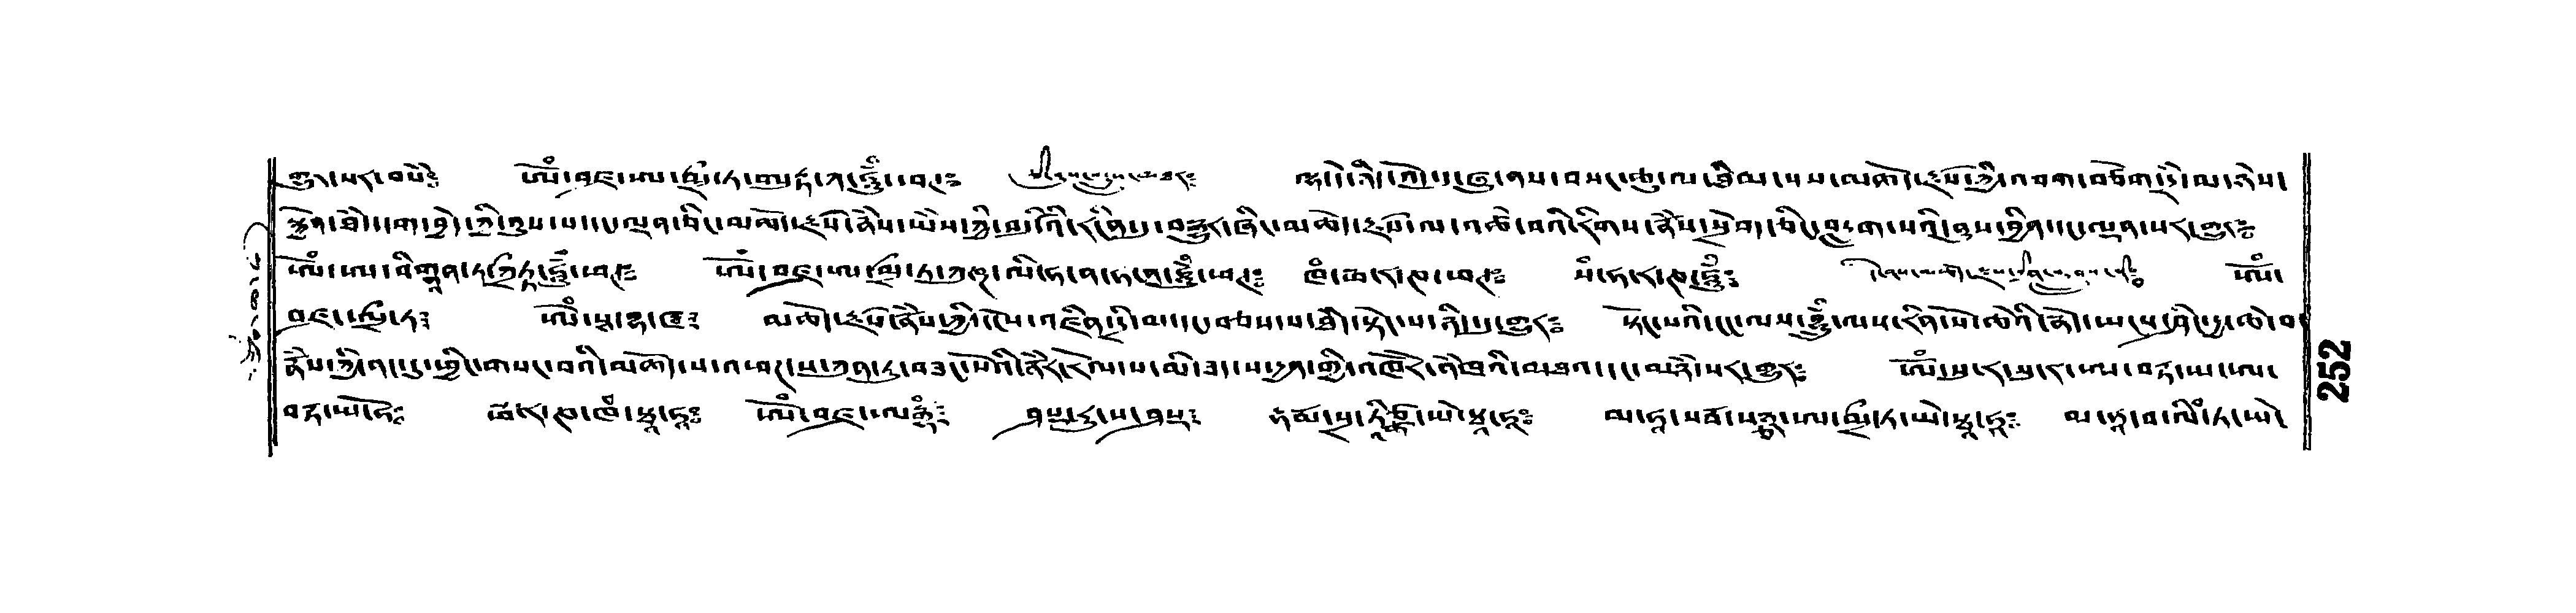གྱུར་པར་བསམ༔ ཨོཾ་བཛྲ་ཨ་མྲྀ་ཏ་ཨུཏྟ་ཀ་ཧཱུྃ་ཕཊ༔ ཅི་ནུས་བཟླས་མཐར༔ ལྷ་དེ་ཉིད་འོད་དུ་ཞུ་ནས་བསང་ཆུ་ལ་ཐིམ་པས་མཆོད་རྫས་ཀྱི་འབགས་བཙོག་དྲི་མ་ཉེས་
སྐྱོན་ཐམས་ཅད་དག་བྱེད་ཀྱི་ནུས་པ་དང་ལྡན་ཅིང་མཆོད་རྫས་རྣམས་ཡེ་ཤེས་ཀྱི་བདུད་རྩིའི་རང་བཞིན་དུ་བསྒྱུར་ཞིང་མཆོད་རྫས་ལ་འཚེ་བའི་རིགས་རྣམས་སྲེག་ཅིང་བརླག་པའི་ནུས་བྱིན་དང་ལྡན་པར་གྱུར༔ 
ཨོཾ་ཨ་བིགྷཱན་ཏ་ཀྲིཏྟ་ཧཱུྃ་ཕཊ༔ ཨོཾ་བཛྲ་ཨ་མྲྀ་ཏ་ཀུཎྜ་ལི་ཧ་ན་ཧ་ན་ཧཱུྃ་ཕཊ༔ ཁཾ་སྥ་ར་ཎ་ཕཊ༔ སཾ་ཧ་ར་ཎ་ཧཱུྃ༔ དེ་ནས་མཆོད་རྫས་བྱིན་བརླབས་ནི༔ ཨོཾ་
བཛྲ་ཨྲྀ་ཏ༴ ཨོཾ་སྭ་བྷ་ཝ༴ མཆོད་རྫས་རྣམས་ཀྱི་དངོས་འཛིན་དྲི་མ་དང་བཅས་པ་ཐམས་ཅད་སྟོང་པ་ཉིད་དུ་གྱུར༔ སྟོང་པའི་ངང་ལས་བྷྲཱུྃ་ལས་རིན་པོ་ཆེའི་སྣོད་ཡངས་ཤིང་རྒྱ་ཆེ་བ་
རྣམས་ཀྱི་ནང་དུ་ཕྱི་ནང་གསང་བའི་མཆོད་པ་འཕགས་པ་ཀུན་ཏུ་བཟང་པོའི་རྣམ་པར་རོལ་པ་མི་ཟད་པ་རྒྱན་གྱི་འཁོར་ལོར་ནམ་མཁའི་མཐའ་དང་མཉམ་པར་གྱུར༔ ཨོཾ་སུ་ར་སུ་ར་ཨ་ཝརྟ་ཡ་ཨ་
ཝརྟ་ཡ་ཧོཿ སྥ་ར་ཎ་ཁཾ་སྭཱ་ཧཱ༔ ཨོཾ་བཛྲ་ཨརྒྷཾ༴ ཤཔྡ་རུ་པ་ཤཔྡ༴ དྷརྨ་པྲ་ཏཱིཙྪ་ཡེ་སྭཱ་ཧཱ༔ མ་ཧཱ་སརྦ་པཉྩ་ཨ་མྲྀ་ཏ་ཡེ་སྭཱ་ཧཱ༔ མ་ཧཱ་བ་ལིཾ་ཏ་ཡེ་